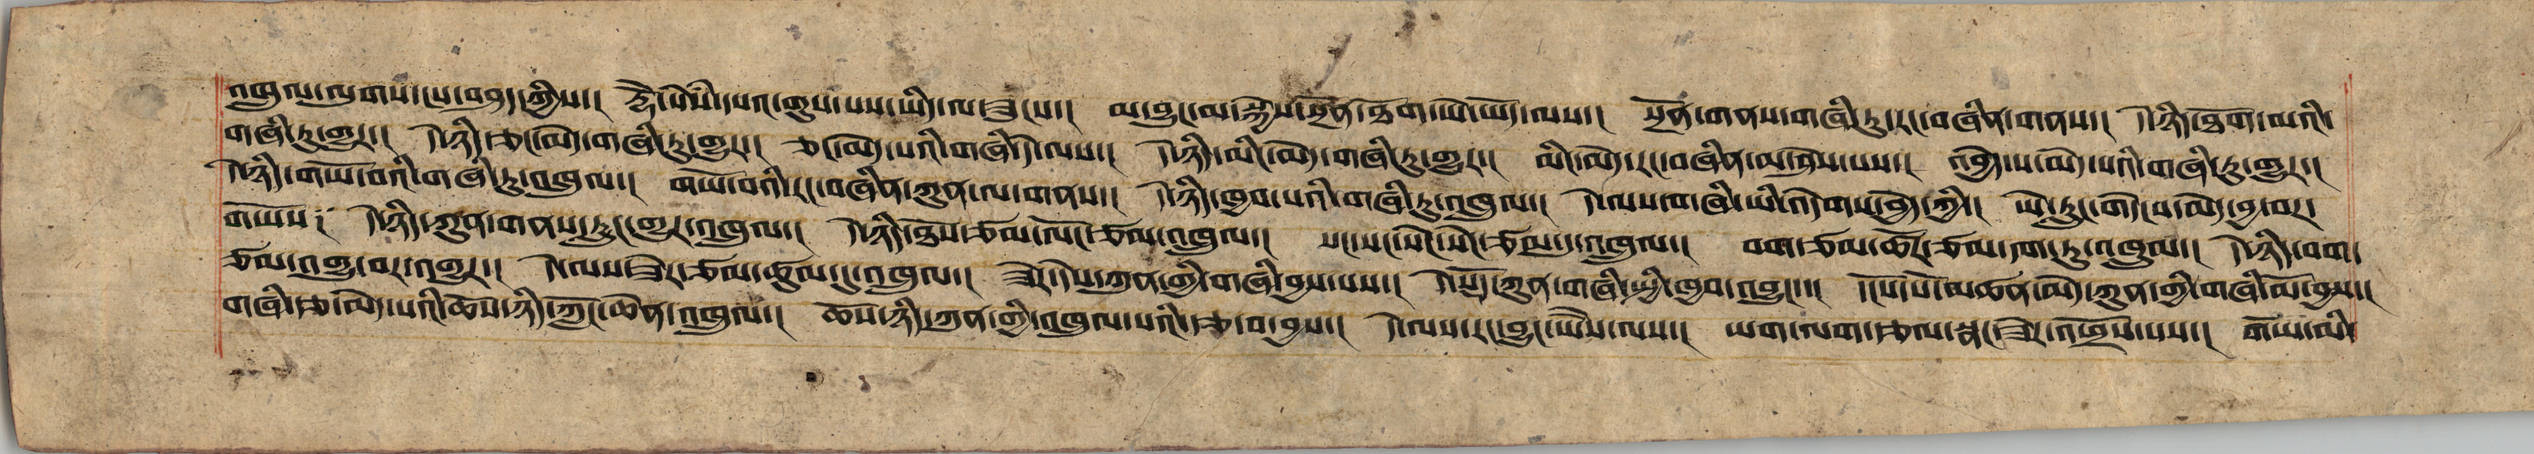འཁྲུལ་ལུགས་ངས་བཤད་ཀྱིས་། རྡོེ་སེསཾ་དཔའ་གུས་པས་ཡིད་ལ་ཟུངས་། མ་བྱུང་མ་སྐྱེས་སྔོན་ཐོག་ཡེ་ཡོད་ལས་། སྔོན་གནས་གཞི་རུ་རང་བཞིན་གནས་། དེ་ཉིད་ཐོག་མའི་
གཞི་རུ་གྱུར་། དེ་ཉིད་ཅང་མེད་གཞི་རུ་གྱུར་། ཅང་མེད་སའི་གཞི་དེ་ལས་། དེ་ཉིད་མིང་མེད་གཞི་རུ་གྱུར་། མིང་མེད་རང་བཞིན་མ་ཤེས་པས་། འབྱེད་པ་མེད་པའི་གཞི་རུ་གྱུར་།
དེ་ཉིད་གཡོ་བའི་གཞི་རུ་འཁྲུལ་། གཡོ་བའི་རང་བཞིན་ཀུན་ལ་གནས་། དེ་ཉིད་ཁྱབ་པའི་གཞི་རུ་འཁྲུལ་། དེ་ལས་གཞི་ཡི་འདེགས་བྱེད་ཀྱི་། ཡེ་རླུང་གདེངས་མེད་བྱ་བར་
གཡོས༑ དེ་ཉིད་ཀུན་གནས་རླུང་གྱུར་འཁྲུལ་། དེ་ཉིད་ཐོས་ཙམ་ལོང་ཙམ་འཁྲུལ་། སང་སང་སེང་སེང་ཙམ་དུ་འཁྲུལ་། བག་ཙམ་ཚོཌ་ཙམ་དག་ཏུ་འཁྲུལ་། དེ་ཉིད་བག་
ཙམ་འགྱུ་བར་འགྱུར་། དེ་ལས་ཟེར་ཙམ་ཚུལ་དུ་འཁྲུལ་། ཟེར་དེས་ཀུན་གྱི་གཞི་བྱས་པས་། དེ་སྡོད་ཀུན་གཞི་སྤྱི་ཁྱབ་འབྱུང་་། དངོས་པོ་མཚན་མེད་ཀུན་གྱིི་གཞི་མོ་བྱས་།
གཞི་རྩ་མེད་པའི་ཆོས་ཉིད་ཀློང་ཆེན་འཁྲུལ། ཆོས་ཉིད་ཀུན་གྱི་འཁྲུལ་པའི་རྩ་བ་བྱས་། དེ་ལས་རང་བྱུང་ཡེཻས་ལས་། ཡག་ལག་རྩལ་སྣང་ཟེར་འཕྲོས་པས་། གཡོ་མི་